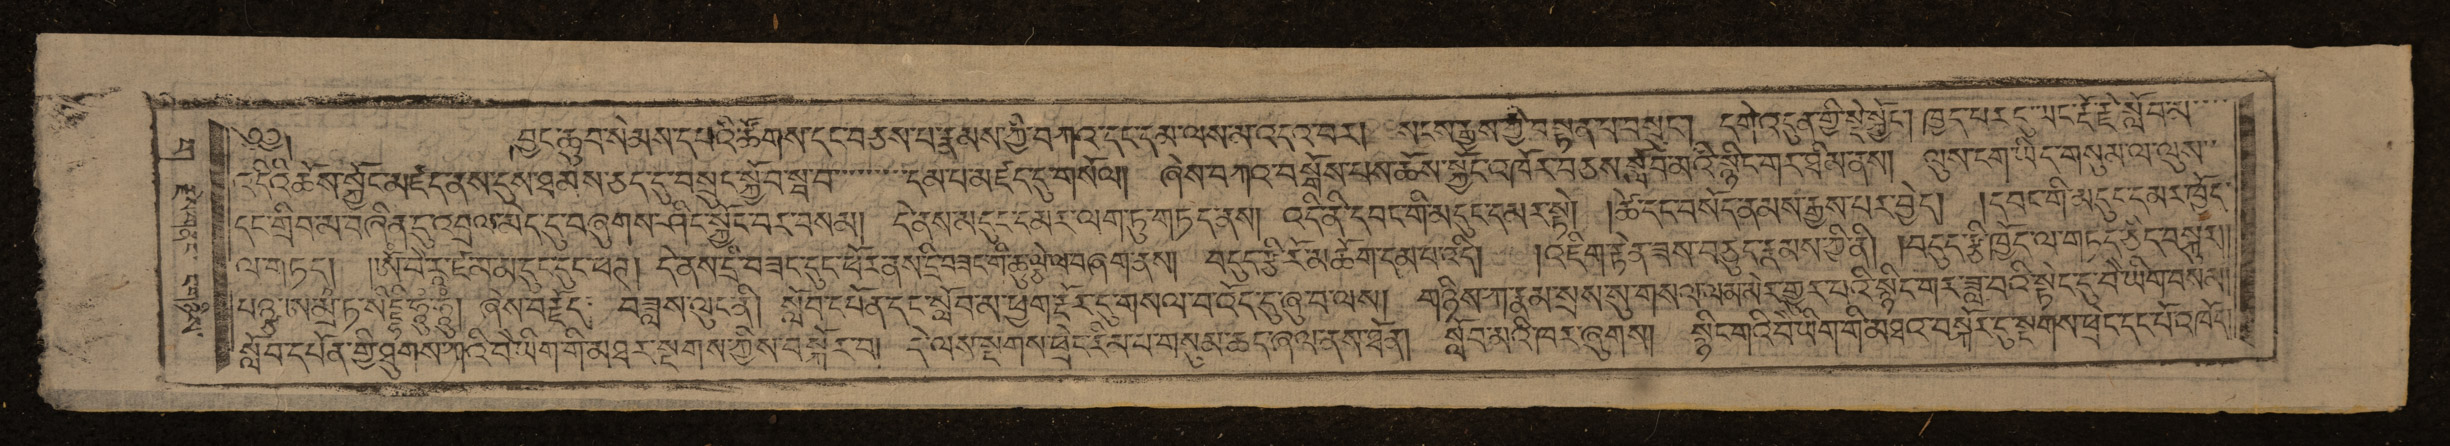༄༅། །བྱང་ཆུབ་སེམས་དཔའི་ཚོགས་དང་བཅས་པ་རྣམས་ཀྱི་བཀའ་དང་དམ་ལས་མ་འདའ་བར། སངས་རྒྱས་ཀྱི་བསྟན་པ་བསྲུང་། དགེ་འདུན་གྱི་སྡེ་སྐྱོང་། ཁྱད་པར་དུ་ཡང་རྡོ་རྗེ་སློབ་མ་
འདིའི་ཆོས་སྐྱོང་མཛད་ནས་དུས་ཐམས་ཅད་དུ་བསྲུང་སྐྱོབ་སྤ་བ་དམ་པ་མཛད་དུ་གསོལ། ཞེས་བཀའ་བསྒོས་པས་ཆོས་སྐྱོང་འཁོར་བཅས་སློབ་མའི་སྙིང་གར་ཐིམ་ནས། ལུས་ངག་ཡིད་གསུམ་ལ་ལུས་
དང་གྲིབ་མ་བཞིན་དུ་འབྲལ་མེད་དུ་བཞུགས་ཤིང་སྐྱོང་བར་བསམ། དེ་ནས་མདུང་དམར་ལག་ཏུ་གཏད་ནས། འདི་ནི་དབང་གི་མདུང་དམར་སྟེ། །ཚེ་དང་བསོད་ནམས་རྒྱས་པར་བྱེད། །དབང་གི་མདུང་དམར་ཁྱོད་
ལ་གཏད། །ཨོཾ་བཻ་རཱ་ཛ་མ་མ་དུང་དུང་ཕཊ། དེ་ནས་དྲི་བཟང་དུང་ཕོར་ནས་དྲི་བཟང་གི་ཆུ་ལྕེ་ལ་བཞག་ནས། བདུད་རྩི་རོ་མཆོག་དམ་པ་འདི། །འཇིག་རྟེན་ཟས་བཅུད་རྣམས་ཀྱི་ནི། །བདུད་རྩི་ཁྱོད་ལ་གཏང་ཅིང་བསྐུར།།
པཉྩ་ཨ་མྲྀ་ཏ་སིདྡྷི་ཧཱུཾ་ཧཱུཾ། ཞེས་བརྗོད། བཟླས་ལུང་ནི། སློབ་དཔོན་དང་སློབ་མ་ཕྱག་རྡོར་དུ་གསལ་བ་འོད་དུ་ཞུ་བ་ལས། གཉིས་ཀ་རྣམ་སྲས་སུ་གསལ་ལམ་མེར་གྱུར་པའི་སྙིང་གར་ཟླ་བའི་སྟེང་དུ་བཻ་ཡིག་བསམ་
སློབ་དཔོན་གྱི་ཐུགས་ཀའི་བཻ་ཡིག་གི་མཐར་སྔགས་ཀྱིས་བསྐོར་བ། དེ་ལས་སྔགས་ཕྲེང་རིམ་པ་གསུམ་ཆད་ཞལ་ནས་ཐོན། སློབ་མའི་ཁར་ཞུགས། སྙིང་གའི་བཻ་ཡིག་གི་མཐའ་བསྐོར་དུ་སྔགས་ཕྲེང་དང་པོ་འཁོད།